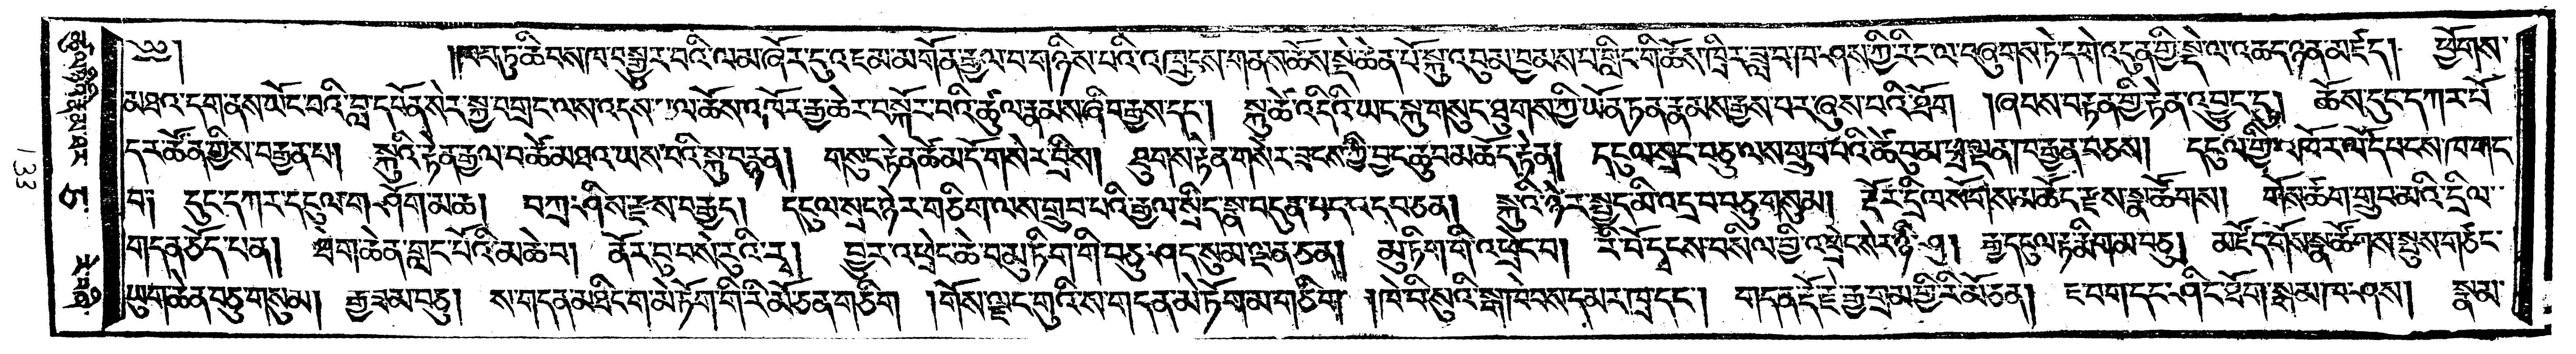༄༅། །ཁབ་ཏུ་ཆིབས་ཁ་བསྒྱུར་བའི་ལམ་ཞོར་དུ་འཇམ་མགོན་རྒྱལ་བ་གཉིས་བའི་འཁྲུངས་གནས་ཆོས་སྡེ་ཆེན་པོ་སྐུ་འབུམ་བྱམས་པ་གླིང་གི་ཆོས་ཁྲིར་ཟླ་བ་ཁ་ཤས་ཀྱི་རིང་ལ་བཞུགས་ཏེ་དགེ་འདུན་གྱི་སྡེལ་འཆད་ཉན་མཛད། ཕྱོགས་
མཐའ་དག་ནས་ཡོང་བའི་བླ་དབོན་སེར་སྐྱ་བགྲང་ལས་འདས་པལ་ཆོས་འཁོར་རྐྱ་ཆེར་བསྐོར་བའི་ཚུལ་རྣམས་ཞིབ་རྒྱས་དང་། སྐུ་ཚེ་འདིའི་ཡང་སྐུ་གསུང་ཐུགས་ཀྱི་ཡོན་ཏན་རྣམས་རྒྱས་བར་ཞུས་པའི་ཐོག །ཞབས་བརྟན་གྱི་རྟེན་འབྱུང་དུ། ཆོས་དུང་དཀར་པོ་
དར་ཚོན་གྱིས་བརྒྱན་པ། སྐུའི་རྟེན་རྒྱལ་བ་ཆོ་མཐའ་ཡས་བའི་སྐུ་བརྙན། གསུང་རྟེན་ཚེ་མདོ་གསེར་བྲིས། ཐུགས་རྟེན་གསེར་ཟངས་ཀྱི་བྱང་ཆུབ་མཆོད་རྟེན། དངུལ་སྲང་བཅུ་ལས་གྲུབ་པའི་ཚེ་བུམ་ཕྲ་ལྡན་ཁ་རྒྱན་བཅས། དངུལ་གྱི་འཁོར་ལོ་དཔངས་ཁ་གང་
བ༑ དུང་དཀར་དངུལ་གཤོག་མ་ཆ། བཀྲ་ཤིས་རྫས་བརྒྱད། དངུལ་སྲང་ཉེར་གཅིག་ལས་གྲུབ་པའི་རྒྱལ་སྲིད་སྣ་བདུན་པད་འདབ་ཅན། སྐུའི་ཉེར་སྤྱད་མི་འདྲ་བ་བཅུ་གསུམ། རྡོར་དྲིལ་སོགས་མཆོད་རྫས་སྣ་ཚོགས། གོས་ཚས་གྲུབ་མའི་དྲིལ་
གདན་ཅོད་པན། ཐེག་ཆེན་གླང་པོའི་མཆེ་ག་ནོར་བུ་བསེ་རུའི་རྭ། བྱུར་འཕྲེང་ཆེབ་མུ་ཏིག་གི་བཅུ་ཤད་སུམ་ལྡན་ཅན། མུ་ཏིག་གི་འཕྲེང་བ། རི་བོ་དྭངས་བསིལ་གྱི་འཕྲེང་སེར་ཉི་ཤུ། རྒྱ་དངུལ་རྟ་རྨིག་མ་བཅུ། མཛོད་དགོས་སྣ་ཚོགས་སྤུས་གཙང་
ཡུག་ཆེན་བཅུ་གསུམ། རྒྱ་ཟམ་བཅུ། ས་གདན་མཐིང་ག་མེ་ཏོག་གི་རི་མོ་ཅན་གཅིག །གོས་ལྗང་གུའི་ས་གདན་མེ་ཏོག་མ་གཅིག །ཁེ་བི་སུའི་སྒ་ཁེབས་དམར་ཁྲ་དང་། གདན་རྡོ་རྗེ་རྒྱ་གྲམ་གྱི་རི་མོ་ཅན། ཇ་བག་དང་ཤིང་ཐོག་སྒམ་ཁ་ཤས། སྣམ་